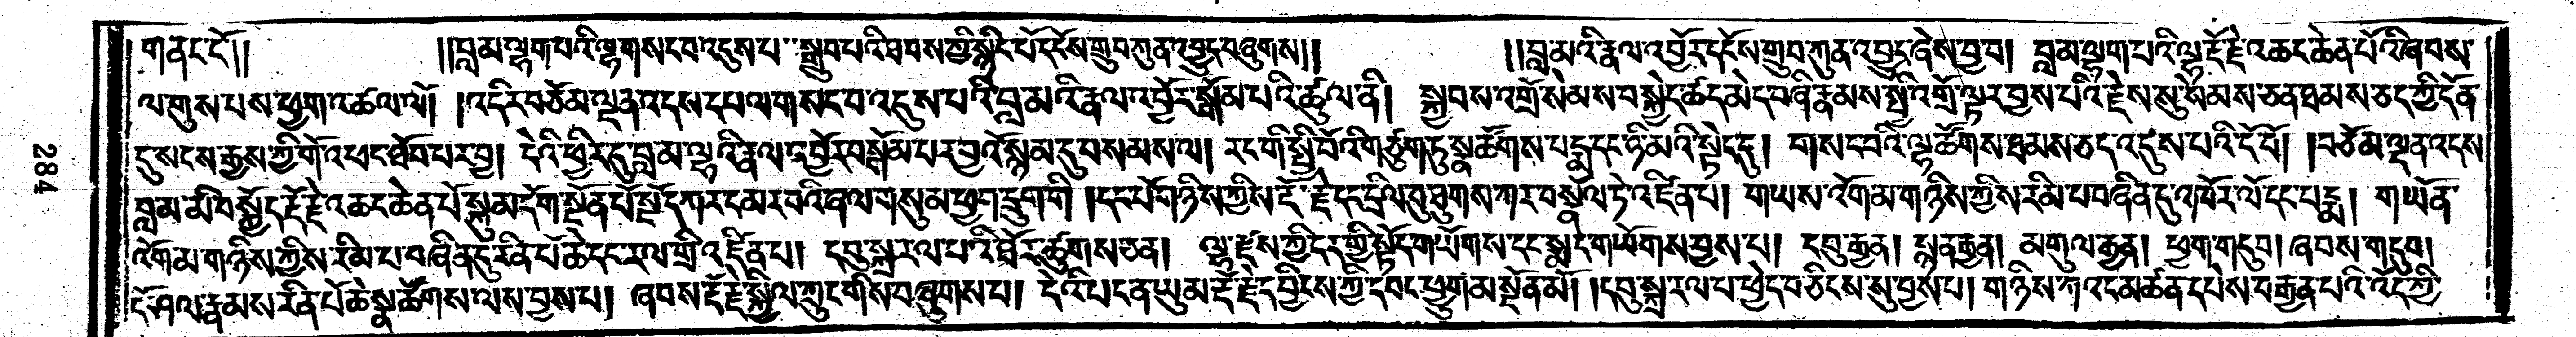གནང་ངོ།། །།བླ་མ་ལྷག་པའི་ལྷ་གསང་བ་འདུས་པ་སྒྲུབ་པའི་ཐབས་ཀྱི་སྙིང་པོ་དངོས་གྲུབ་ཀུན་འབྱུང་བཞུགས།། །།བླ་མའི་རྣལ་འབྱོར་དངོས་གྲུབ་ཀུན་འབྱུང་ཞེས་བྱ་བ། བླ་མ་ལྷག་པའི་ལྷ་རྡོ་རྗེ་འཆང་ཆེན་པོའི་ཞབས་
ལ་གུས་པས་ཕྱག་འཚལ་ལོ། །འདིར་བཅོམ་ལྡན་འདས་དཔལ་གསང་བ་འདུས་པའི་བླ་མའི་རྣལ་འབྱོར་སྒོམ་པའི་ཚུལ་ནི། སྐྱབས་འགྲོ་སེམས་བསྐྱེད་ཚད་མེད་བཞི་རྣམས་སྤྱི་འགྲོ་ལྟར་བྱས་པའི་རྗེས་སུ་སེམས་ཅན་ཐམས་ཅད་ཀྱི་དོན་
དུ་སངས་རྒྱས་ཀྱི་གོ་འཕང་ཐོབ་པར་བྱ། དེའི་ཕྱིར་དུ་བླ་མ་ལྷའི་རྣལ་འབྱོར་བསྒོམ་པར་བྱའོ་སྙམ་དུ་བསམས་ལ། རང་གི་སྤྱི་བོའི་གཙུག་ཏུ་སྣ་ཚོགས་པདམ་དང་ཉི་མའི་སྟེང་དུ། གསང་བའི་ལྷ་ཚོགས་ཐམས་ཅད་འདུས་པའི་ངོ་བོ། །བཅོམ་ལྡན་འདས་
བླ་མ་མི་བསྐྱོད་རྡོ་རྗེ་འཆང་ཆེན་པོ་སྐུ་མདོག་སྔོན་པོ་སྔོ་དཀར་དམར་བའི་ཞལ་གསུམ་ཕྱག་དྲུག་གི །དང་པོ་གཉིས་ཀྱིས་རྡོ་རྗེ་དང་དྲིལ་བུ་ཐུགས་ཀར་བསྣོལ་ཏེ་འཛིན་པ། གཡས་འོག་མ་གཉིས་ཀྱིས་རིམ་པ་བཞིན་དུ་འཁོར་ལོ་དང་པདམ། གཡོན་
འོག་མ་གཉིས་ཀྱིས་རིམ་པ་བཞིན་དུ་རིན་པོ་ཆེ་དང་རལ་གྲི་འཛིན་པ། དབུ་སྐྲ་རལ་པའི་ཐོར་ཚུགས་ཅན། ལྷ་རྫས་ཀྱི་དར་གྱི་སྟོད་གཡོགས་དང་སྨད་གཡོགས་བྱས་པ། དབུ་རྒྱན། སྙན་རྒྱན། མགུལ་རྒྱན། ཕྱག་གདུབ། ཞབས་གདུབ།
ངོ་ཤལ་རྣམས་རིན་པོ་ཆེ་སྣ་ཚོགས་ལས་བྱས་པ། ཞབས་རྡོ་རྗེ་སྐྱིལ་ཀྲུང་གིས་བཞུགས་པ། དེའི་པང་ན་ཡུམ་རྡོ་རྗེ་དབྱིངས་ཀྱི་དབང་ཕྱུག་མ་སྔོན་མོ། །དབུ་སྐྲ་རལ་པ་ཕྱེད་བཅིངས་སུ་བྱས་པ། གཉིས་ཀའང་མཚན་དཔེས་བརྒྱན་པའི་འོད་ཀྱི་